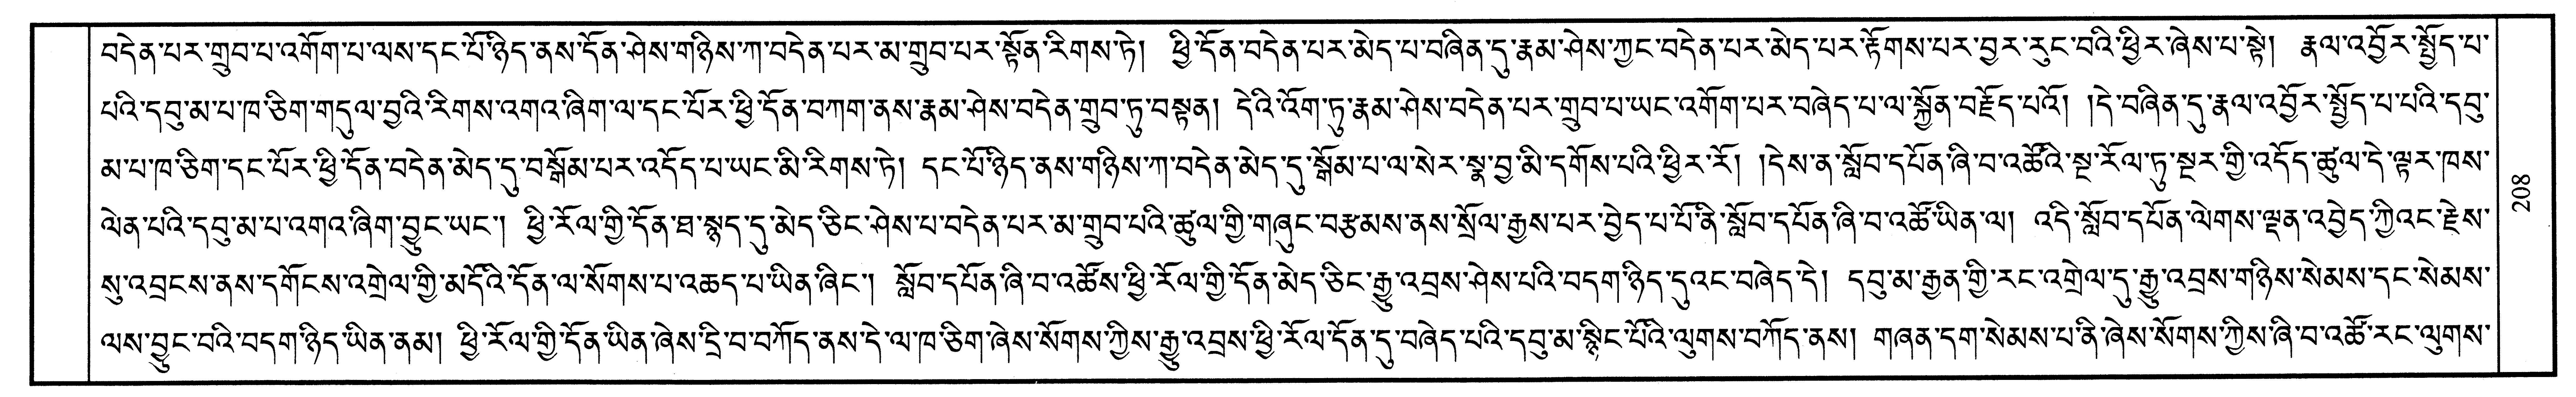བདེན་པར་གྲུབ་པ་འགོག་པ་ལས་དང་པོ་ཉིད་ནས་དོན་ཤེས་གཉིས་ཀ་བདེན་པར་མ་གྲུབ་པར་སྟོན་རིགས་ཏེ། ཕྱི་དོན་བདེན་པར་མེད་པ་བཞིན་དུ་རྣམ་ཤེས་ཀྱང་བདེན་པར་མེད་པར་རྟོགས་པར་བྱར་རུང་བའི་ཕྱིར་ཞེས་པ་སྟེ། རྣལ་འབྱོར་སྤྱོད་པ་
པའི་དབུ་མ་པ་ཁ་ཅིག་གདུལ་བྱའི་རིགས་འགའ་ཞིག་ལ་དང་པོར་ཕྱི་དོན་བཀག་ནས་རྣམ་ཤེས་བདེན་གྲུབ་ཏུ་བསྟན། དེའི་འོག་ཏུ་རྣམ་ཤེས་བདེན་པར་གྲུབ་པ་ཡང་འགོག་པར་བཞེད་པ་ལ་སྐྱོན་བརྗོད་པའོ། །དེ་བཞིན་དུ་རྣལ་འབྱོར་སྤྱོད་པ་པའི་དབུ་
མ་པ་ཁ་ཅིག་དང་པོར་ཕྱི་དོན་བདེན་མེད་དུ་བསྒོམ་པར་འདོད་པ་ཡང་མི་རིགས་ཏེ། དང་པོ་ཉིད་ནས་གཉིས་ཀ་བདེན་མེད་དུ་སྒོམ་པ་ལ་སེར་སྣ་བྱ་མི་དགོས་པའི་ཕྱིར་རོ། །དེས་ན་སློབ་དཔོན་ཞི་བ་འཚོའི་སྔ་རོལ་ཏུ་སྔར་གྱི་འདོད་ཚུལ་དེ་ལྟར་ཁས་
ལེན་པའི་དབུ་མ་པ་འགའ་ཞིག་བྱུང་ཡང་། ཕྱི་རོལ་གྱི་དོན་ཐ་སྙད་དུ་མེད་ཅིང་ཤེས་པ་བདེན་པར་མ་གྲུབ་པའི་ཚུལ་གྱི་གཞུང་བརྩམས་ནས་སྲོལ་རྒྱས་པར་བྱེད་པ་པོ་ནི་སློབ་དཔོན་ཞི་བ་འཚོ་ཡིན་ལ། འདི་སློབ་དཔོན་ལེགས་ལྡན་འབྱེད་ཀྱིའང་རྗེས་
སུ་འབྲངས་ནས་དགོངས་འགྲེལ་གྱི་མདོའི་དོན་ལ་སོགས་པ་འཆད་པ་ཡིན་ཞིང་། སློབ་དཔོན་ཞི་བ་འཚོས་ཕྱི་རོལ་གྱི་དོན་མེད་ཅིང་རྒྱུ་འབྲས་ཤེས་པའི་བདག་ཉིད་དུའང་བཞེད་དེ། དབུ་མ་རྒྱན་གྱི་རང་འགྲེལ་དུ་རྒྱུ་འབྲས་གཉིས་སེམས་དང་སེམས་
ལས་བྱུང་བའི་བདག་ཉིད་ཡིན་ནམ། ཕྱི་རོལ་གྱི་དོན་ཡིན་ཞེས་དྲི་བ་བཀོད་ནས་དེ་ལ་ཁ་ཅིག་ཞེས་སོགས་ཀྱིས་རྒྱུ་འབྲས་ཕྱི་རོལ་དོན་དུ་བཞེད་པའི་དབུ་མ་སྙིང་པོའི་ལུགས་བཀོད་ནས། གཞན་དག་སེམས་པ་ནི་ཞེས་སོགས་ཀྱིས་ཞི་བ་འཚོ་རང་ལུགས་